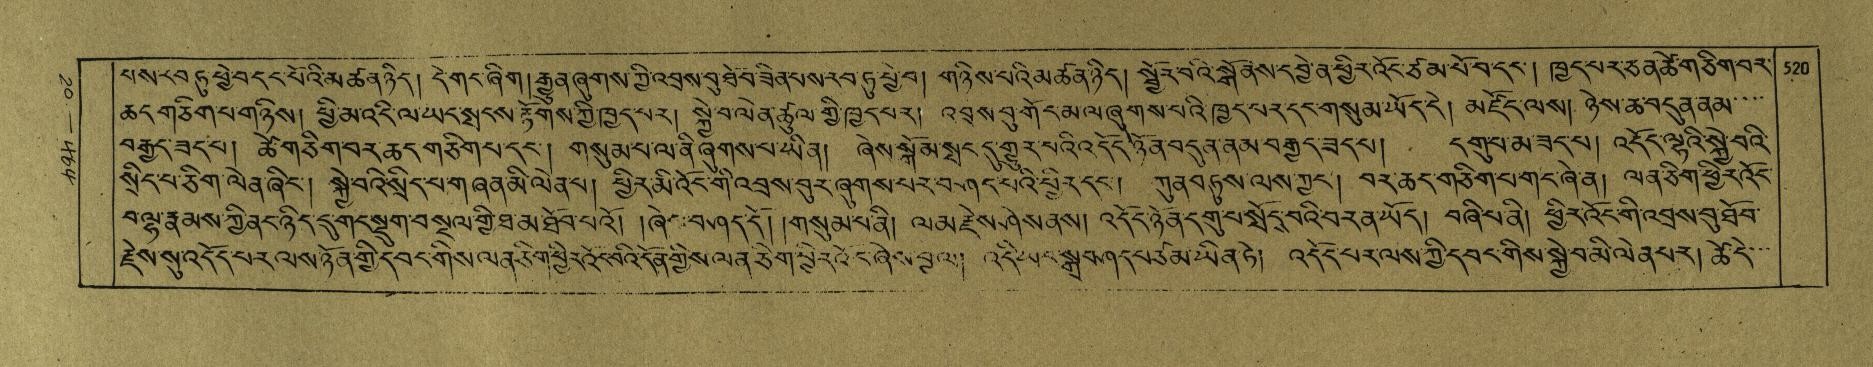པས་རབ་ཏུ་ཕྱེ་བ་དང་པོའི་མཚན་ཉིད། དེ་གང་ཞིག། རྒྱུན་ཞུགས་ཀྱི་འབྲས་བུ་ཐོབ་ཟིན་པས་རབ་ཏུ་ཕྱེ་བ། གཉིས་པའི་མཚན་ཉིད། སྦྱོར་བའི་སྒོ་ནས་དབྱེ་ན་ཕྱིར་འོང་ཙམ་པོ་བ་དང་། ཁྱད་པར་ཅན་ཚེ་གཅིག་བར་
ཆད་གཅིག་པ་གཉིས། ཕྱི་མ་འདི་ལ་ཡང་སྤངས་རྟོགས་ཀྱི་ཁྱད་པར། སྐྱེ་བ་ལེན་ཚུལ་གྱི་ཁྱད་པར། འབྲས་བུ་གོང་མ་ལ་ཞུགས་པའི་ཁྱད་པར་དང་གསུམ་ཡོད་དེ། མཛོད་ལས། ཉེས་ཆ་བདུན་ནམ་
བརྒྱད་ཟད་པ། ཚེ་གཅིག་བར་ཆད་གཅིག་པ་དང་། གསུམ་པ་ལ་ནི་ཞུགས་པ་ཡིན། ཞེས་སྒོམ་སྤང་དུ་གྱུར་པའི་འདོད་ཉོན་བདུན་ནམ་བརྒྱད་ཟད་པ། དགུ་པ་མ་ཟད་པ། འདོད་ལྷའི་སྐྱེ་བའི་
སྲིད་པ་ཅིག་ལེན་ཞིང་། སྐྱེ་བའི་སྲིད་པ་གཞན་མི་ལེན་པ། ཕྱིར་མི་འོང་གི་འབྲས་བུར་ཞུགས་པར་བཤད་པའི་ཕྱིར་དང་། ཀུན་བཏུས་ལས་ཀྱང་། བར་ཆད་གཅིག་པ་གང་ཞེ་ན། ལན་ཅིག་ཕྱིར་འོང་
བ་ལྷ་རྣམས་ཀྱི་ནང་ཉིད་དུ་གང་སྡུག་བསྔལ་གྱི་ཐ་མ་ཐོབ་པའོ། །ཞེས་བཤད་དོ། །གསུམ་པ་ནི། ལམ་རྗེས་ཤེས་ནས། འདོད་ཉོན་དགུ་པ་སྤོངས་བའི་བར་ན་ཡོད། བཞི་པ་ནི། ཕྱིར་འོང་གི་འབྲས་བུ་ཐོབ་
རྗེས་སུ་འདོད་པར་ལས་ཉོན་གྱི་དབང་གིས་ལན་ཅིག་ཕྱིར་འོང་བའི་དོན་གྱིས་ལན་ཅིག་ཕྱིར་འོང་ཞེས་བྱ་ལ། འདི་ཡང་སྒྲ་བཤད་པ་ཙམ་ཡིན་ཏེ། འདོད་པར་ལས་ཀྱི་དབང་གིས་སྐྱེ་བ་མི་ལེན་པར། ཚེ་དེ་